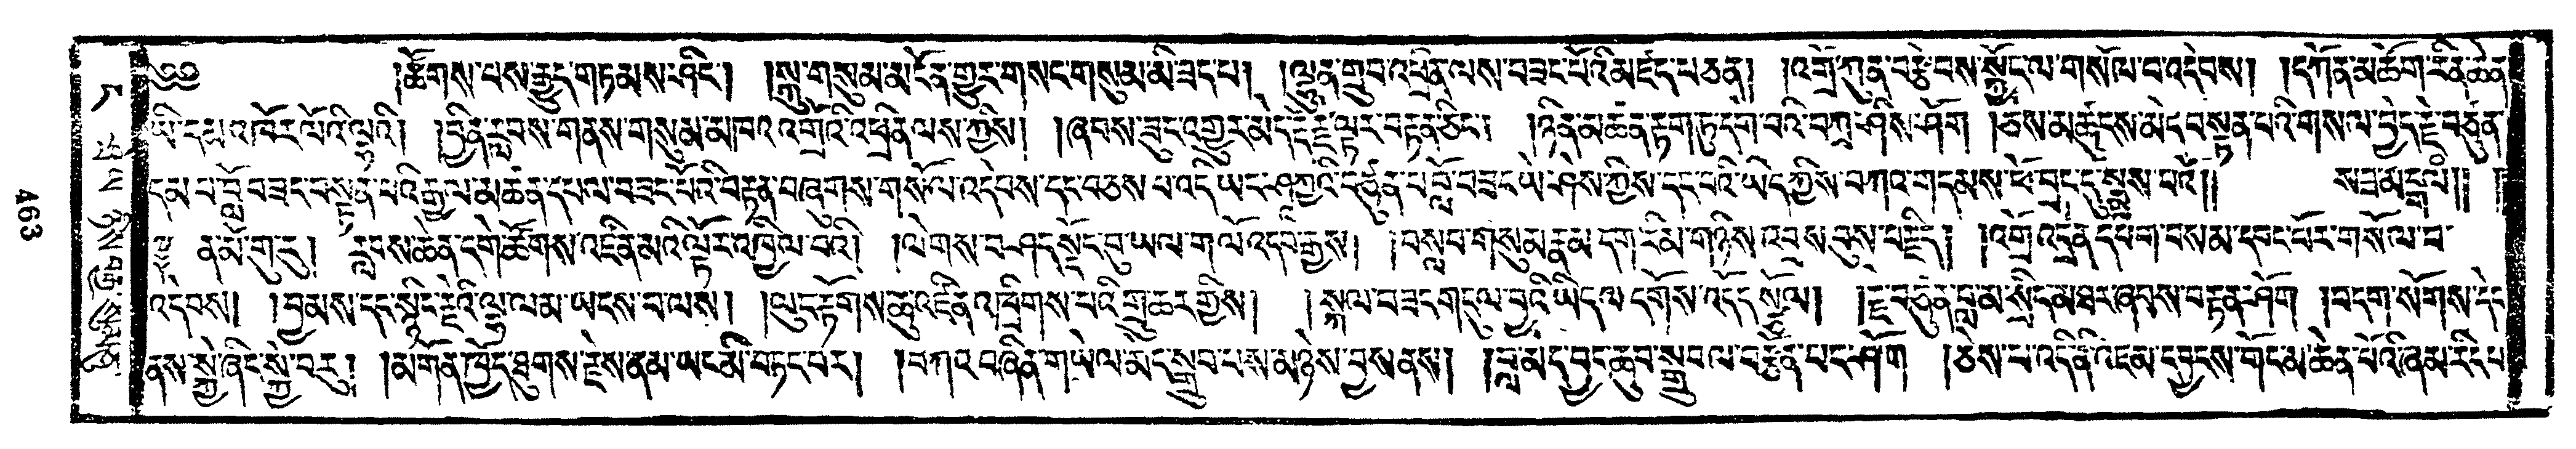༄༅། །ཚོགས་པས་རྒྱུད་གཏམས་ཤིང་། །སྐུ་གསུམ་མངོན་གྱུར་གསང་གསུམ་མི་ཟད་པ། །ལྷུན་གྲུབ་འཕྲིན་ལས་བཟང་པོའི་མཛད་པ་ཅན། །འགྲོ་ཀུན་བརྩེ་བས་སྐྱོང་ལ་གསོལ་བ་འདེབས། །དཀོན་མཆོག་རིན་ཆེན་
ཡི་དམ་འཁོར་ལོའི་ལྷའི། །བྱིན་རླབས་གནས་གསུམ་མཁའ་འགྲོའི་འཕྲིན་ལས་ཀྱིས། །ཞབས་ཟུང་འགྱུར་མེད་རྡོ་རྗེ་ལྟར་བརྟན་ཅིང་། །ཉིན་མཚན་རྟག་ཏུ་དགེ་བའི་བཀྲ་ཤིས་ཤོག །ཅེས་མཚུངས་མེད་བསྟན་པའི་གསལ་བྱེད་རྗེ་བཙུན་
དམ་པ་བློ་བཟང་བསྟན་པའི་རྒྱལ་མཚན་དཔལ་བཟང་པོའི་བརྟན་བཞུགས་གསོལ་འདེབས་དང་བཅས་པ་འདི་ཡང་ཤའྐྱའི་བཙུན་པ་བློ་བཟང་ཡེ་ཤེས་ཀྱིས་དང་བའི་ཡིད་ཀྱིས་བཀའ་གདམས་ཕོ་བྲང་དུ་སྨྲས་པའོ། །སརྦ་མངྒལཾ།། །།
༈ ན་མོ་གུ་རུ། རླབས་ཆེན་དགེ་ཚོགས་འཛིན་མའི་ལྟོར་འཁྱིལ་བའི། །ལེགས་བཤད་སྡོང་བུ་ཡལ་ག་ལོ་འདབ་རྒྱས། །བསླབ་གསུམ་རྣམ་དག་རིམ་གཉིས་འབྲས་བུས་བརྗིད། །འགྲོ་འདྲེན་དཔག་བསམ་དབང་པོར་གསོལ་བ་
འདེབས། །བྱམས་དང་སྙིང་རྗེའི་ལྷ་ལམ་ཡངས་བ་ལས། །ལུང་རྟོགས་ཆུ་འཛིན་འཁྲིགས་པའི་གྲུ་ཆར་གྱིས། །སྐལ་བཟང་གདུལ་བྱའི་ཡིད་ལ་དགོས་འདོད་སྩོལ། །རྗེ་བཙུན་བླ་མ་སྲིད་མཐར་ཞབས་བརྟན་ཤོག །བདག་སོགས་དེང་
ནས་སྐྱེ་ཞིང་སྐྱེ་བ་རུ། །མགོན་ཁྱོད་ཐུགས་རྗེས་ནམ་ཡང་མི་བཏང་བར། །བཀའ་བཞིན་གཡེལ་མེད་སྒྲུབ་པས་མཉེས་བྱས་ནས། །བླ་མེད་བྱང་ཆུབ་སྒྲུབ་ལ་བརྩོན་པང་ཤོག །ཅེས་པ་འདི་ནི་འཇམ་དབྱངས་གོང་མ་ཆེན་པོའི་ཞམ་རིང་པ་